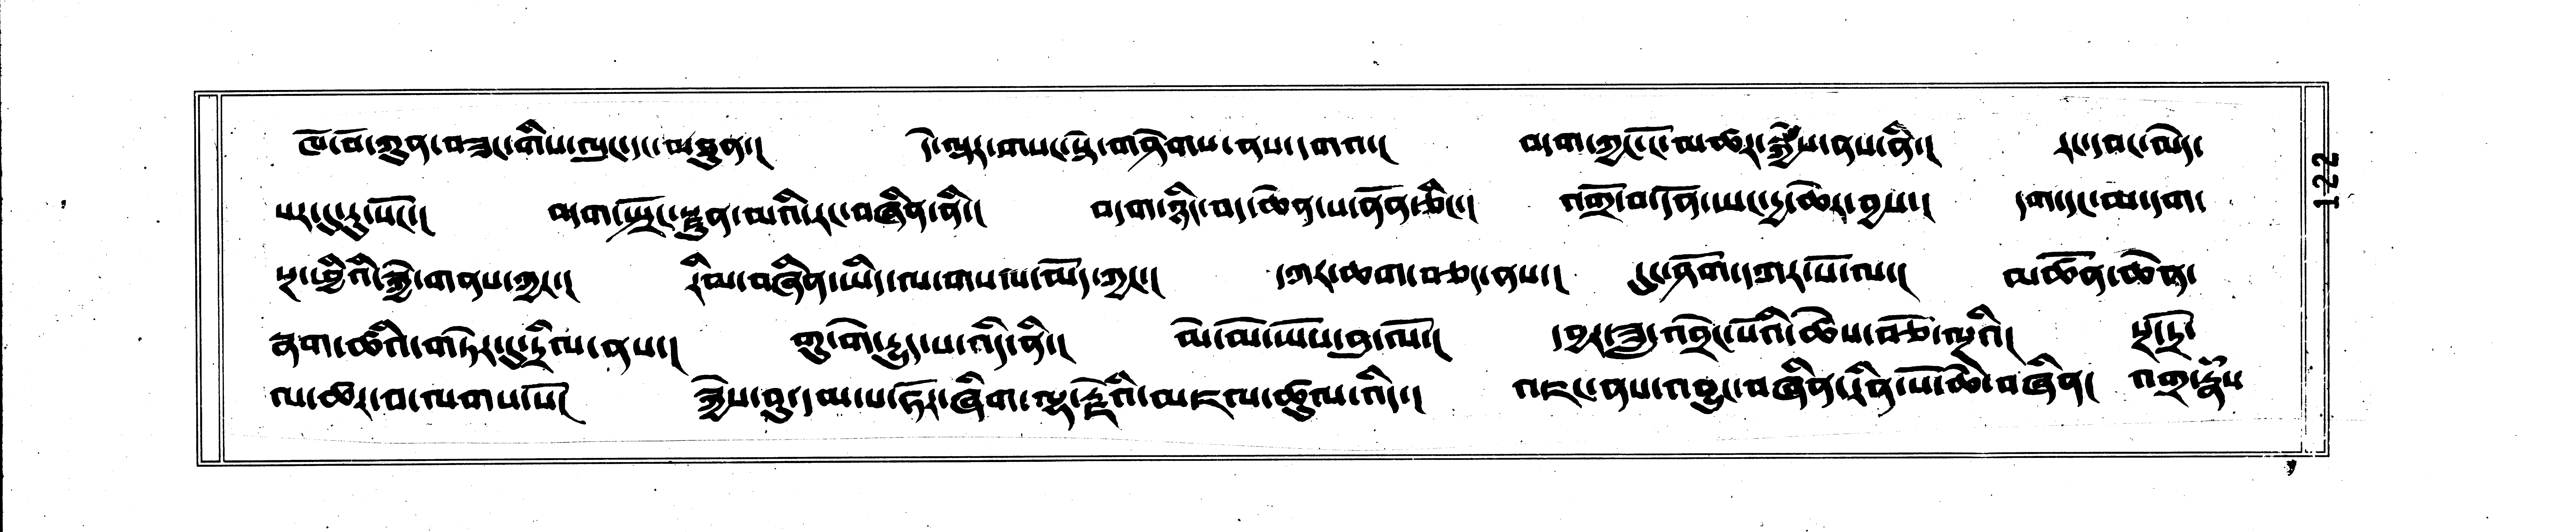ཁོ་བོ་ཀུན་བཟང་གིས་ལུང་དང་མཐུན། དེ་ལྟར་གསང་སྟེ་གཤེགས་ནས་དགའ། བདག་ཀྱང་ངོ་མཚར་སྐྱེས་ནས་ནི། རང་དབང་མེད་
པར་དུ་རུ་སོང་། བདག་སྤྲང་པོ་རྫུན་མའི་རང་བཞིན་ནི། བདག་ཉིད་བདེ་ཆེན་ས་ནོན་ཅིང་། འགྲོ་བ་དོན་ཡང་རྒྱ་ཆེར་བྱས། དག་དང་མ་དག་
སྔ་ཕྱིའི་སྐྱེ་གནས་ཀྱང་། རིམ་བཞིན་ཡིད་ལ་གསལ་མོད་ཀྱང་། དཀར་ཆག་བཅད་ནས། དུང་ཤོག་དཀར་པོ་ལ། མཚོན་ཆེན་
སྣག་ཚའི་གཏེར་དུ་དྲིལ་ནས། གུ་གེ་རྒྱུད་པ་འདི་ནི། མེ་མོ་ཡོས་བུ་ལོ། དབྱར་ཟླ་འབྲིང་པོའི་ཚེས་བཅོ་ལྔའི། སྔ་དྲོ་
ལ་ཚར་བ་ལགས་སོ། །སྐྱེས་བུ་དམ་པ་ཧོར་ཞིག་ལྷ་རྗེའི་མཇལ་ཚུལ་འདི། འཇང་ནས་འབྱུང་བཞིན་རིན་པོ་ཆེ་བཞིན། འགྲོ་རྣམས་